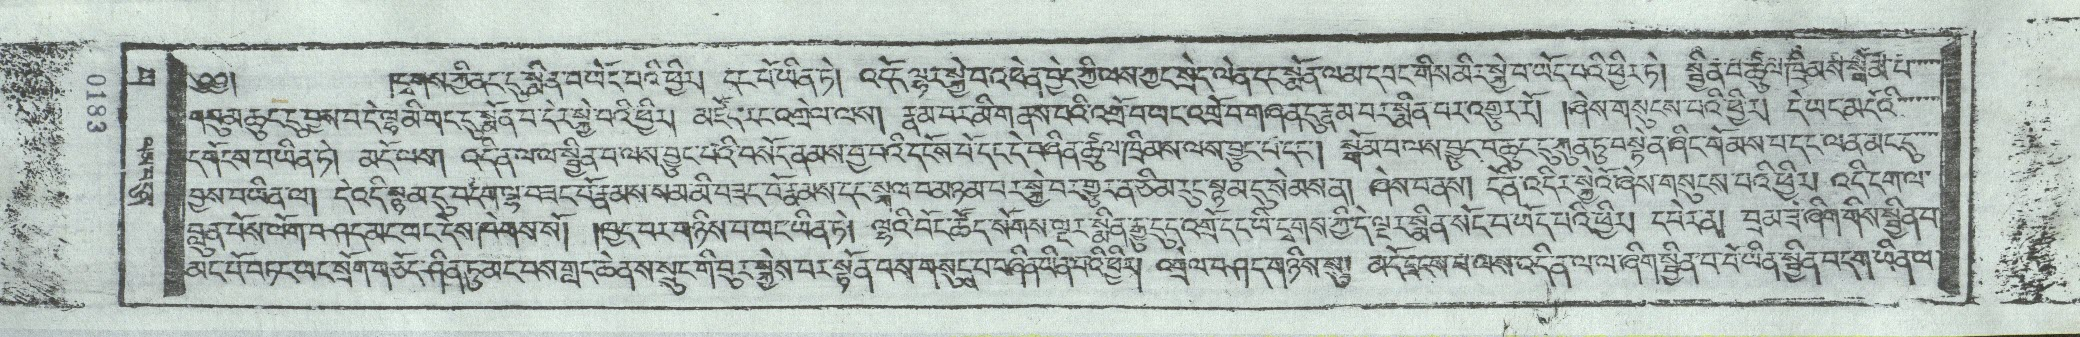༄༅། །དྭགས་ཀྱི་ནང་དུ་སྨིན་པ་ཡོད་པའི་ཕྱིར། དང་པོ་ཡིན་ཏེ། འདོད་ལྷར་སྐྱེ་བ་འཕེན་བྱེད་ཀྱི་ལས་ཀྱང་སྲེད་ལེན་དང་སྨོན་ལམ་དབང་གིས་མིར་སྐྱེ་བ་ཡོད་པའི་ཕྱིར་ཏེ། སྦྱིན་པ་ཚུལ་ཁྲིམས་སྒོམ་པ་
གསུམ་ཆུང་ངུ་བྱས་པ་དེ་ལྷ་མི་གང་དུ་སྨོན་པ་དེར་སྐྱེ་བའི་ཕྱིར། མཛོད་རང་འགྲེལ་ལས། རྣམ་པར་མི་གནས་པའི་འགྲོ་བ་ཡང་འགྲོ་བ་གཞན་དུ་རྣམ་པར་སྨིན་པར་འགྱུར་རོ། །ཞེས་གསུངས་པའི་ཕྱིར། དེ་ཡང་མདོའི་
དགོངས་པ་ཡིན་ཏེ། མདོ་ལས། འདི་ན་ལ་ལ་སྦྱིན་པ་ལས་བྱུང་བའི་བསོད་ནམས་བྱ་བའི་དངོས་པོ་དང་དེ་བཞིན་ཚུལ་ཁྲིམས་ལས་བྱུང་པ་དང་། སྒོམ་པ་ལས་བྱུང་བ་ཆུང་ངུ་ཀུན་ཏུ་བསྟེན་ཞིང་གོམས་པ་དང་ལན་མང་དུ་
བྱས་པ་ཡིན་ལ། དེ་འདི་སྙམ་དུ་བདག་ལྷ་བཟང་པོ་རྣམས་སམ་མི་བཟང་པོ་རྣམས་དང་སྐལ་བ་མཉམ་པར་སྐྱེ་བར་གྱུར་ན་ཅི་མ་རུང་སྙམ་དུ་སེམས་ན། ཞེས་པ་ནས། དོན་འདིར་སྐྱེའོ་ཞེས་གསུངས་པའི་ཕྱིར། འདི་དག་ལ་
བླུན་པོས་ལོག་བཤད་མང་ཡང་དེས་ཁེགས་སོ། །ཁྱད་པར་གཉིས་པ་ཡང་ཡིན་ཏེ། ལྷའི་བོང་ཚོད་སོགས་ལྔར་སྨིན་རྒྱུ་དུད་འགྲོ་དང་ཡི་དྭགས་ཀྱི་དེ་ལྔར་སྨིན་སོང་བ་ཡོད་པའི་ཕྱིར། དཔེར་ན། བྲམ་ཟེ་ཞིག་གིས་སྦྱིན་བ་
མང་པོ་བཏང་ཡང་སྲོག་གཅོད་ཤིན་ཏུ་མང་བས་གླང་ཆེན་ས་སྲུང་གི་བུར་སྐྱེས་བར་སྟོན་པས་གསུངས་པ་བཞིན་ཡིན་པའི་ཕྱིར། འགྲེལ་བཤད་གཉིས་སུ། མདོ་དྲངས་པ་ལས་འདི་ན་ལ་ལ་ཞིག་སྦྱིན་པ་པོ་ཡིན་སྦྱིན་བདག་ཡིན་ལ་